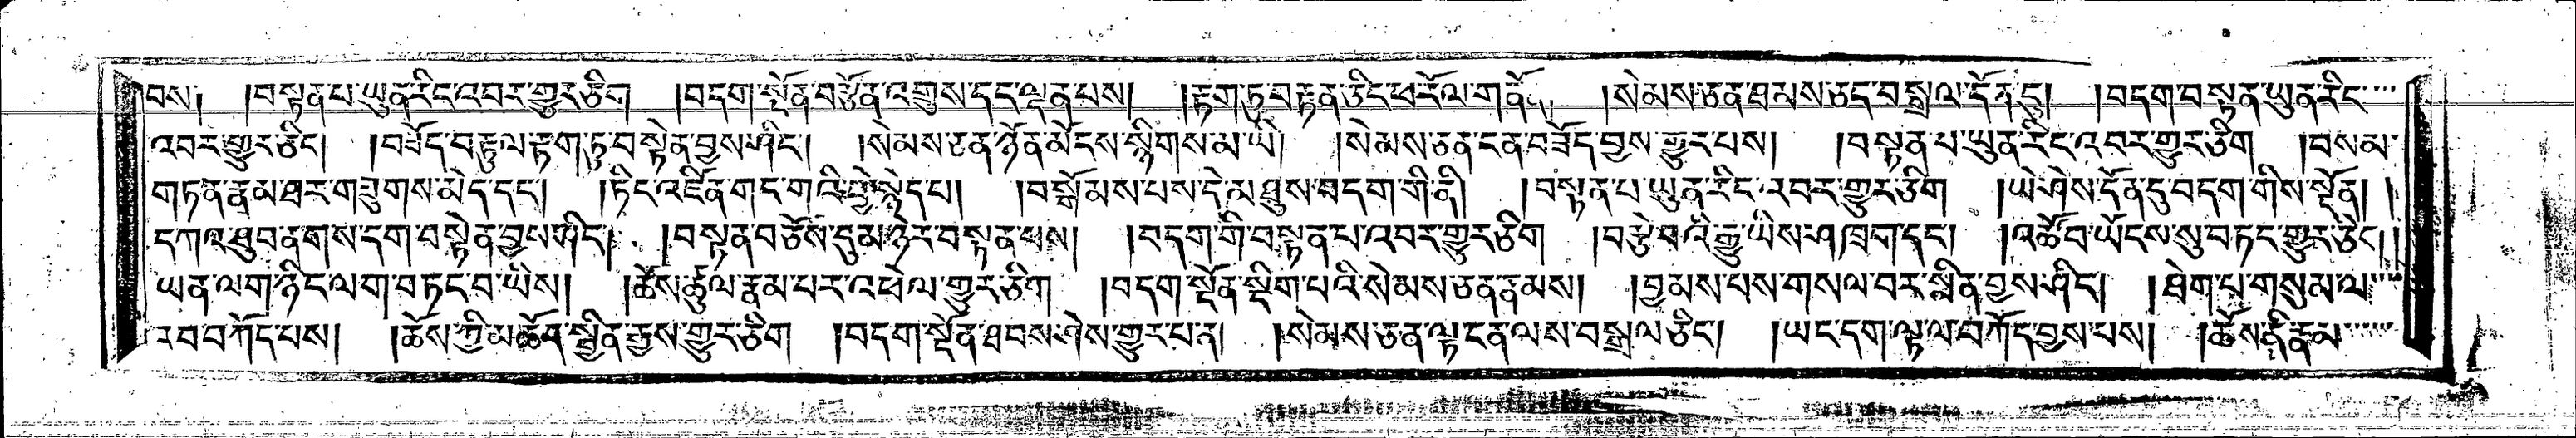བས། །བསྟན་པ་ཡུན་རིང་འབར་གྱུར་ཅིག །བདག་སྔོན་བརྩོན་འགྲུས་དང་ལྡན་པས། །རྟག་ཏུ་བརྟན་ཅིང་ཕ་རོལ་གནོན། །སེམས་ཅན་ཐམས་ཅད་བསྒྲལ་དོན་དུ། །བདག་བསྟན་ཡུན་རིང་
འབར་གྱུར་ཅིང་། །བཟོད་བརྟུལ་རྟག་ཏུ་བསྟེན་བྱས་ཤིང་། །སེམས་ཅན་ཉོན་མོངས་སྙིགས་མ་ཡི། །སེམས་ཅད་ངན་བཟོད་བྱས་གྱུར་པས། །བསྟན་པ་ཡུན་རིང་འབར་གྱུར་ཅིག །བསམ་
གཏན་རྣམ་ཐར་གཟུགས་མེད་དང་། །ཏིང་འཛིན་གང་གའི་བྱེ་སྙེད་པ། །བསྒོམས་པས་དེ་མཐུས་བདག་གི་ནི། །བསྟན་པ་ཡུན་རིང་འབར་གྱུར་ཅིག །ཡེ་ཤེས་དོན་དུ་བདག་གིས་སྔོན། །
དཀའ་ཐུབ་ནགས་དག་བསྟེན་བྱས་ཤིང་། །བསྟན་བཅོས་དུ་མ་ཉེར་བསྟན་པས། །བདག་གི་བསྟན་པ་འབར་གྱུར་ཅིག །བརྩེ་བའི་རྒྱུ་ཡིས་ཤ་ཁྲག་དང་། །འཚོ་བ་ཡོངས་སུ་བཏང་གྱུར་ཅིང་། །
ཡན་ལག་ཉིད་ལག་བཏང་བ་ཡིས། །ཆོས་ཚུལ་རྣམ་པར་འཕེལ་གྱུར་ཅིག །བདག་སྔོན་སྡིག་པའི་སེམས་ཅན་རྣམས། །བྱམས་པས་གསལ་བར་སྨིན་བྱས་ཤིང་། །ཐེག་པ་གསུམ་ལ་
རབ་བཀོད་པས། །ཆོས་ཀྱི་མཆོད་སྦྱིན་རྒྱས་གྱུར་ཅིག །བདག་སྔོན་ཐབས་ཤེས་གྱུར་པ་ན། །སེམས་ཅན་ལྟ་ངན་ལས་བསྒྲལ་ཅིང་། །ཡང་དག་ལྟ་ལ་བཀོད་བྱས་པས། །ཆོས་ནི་རྣམ་